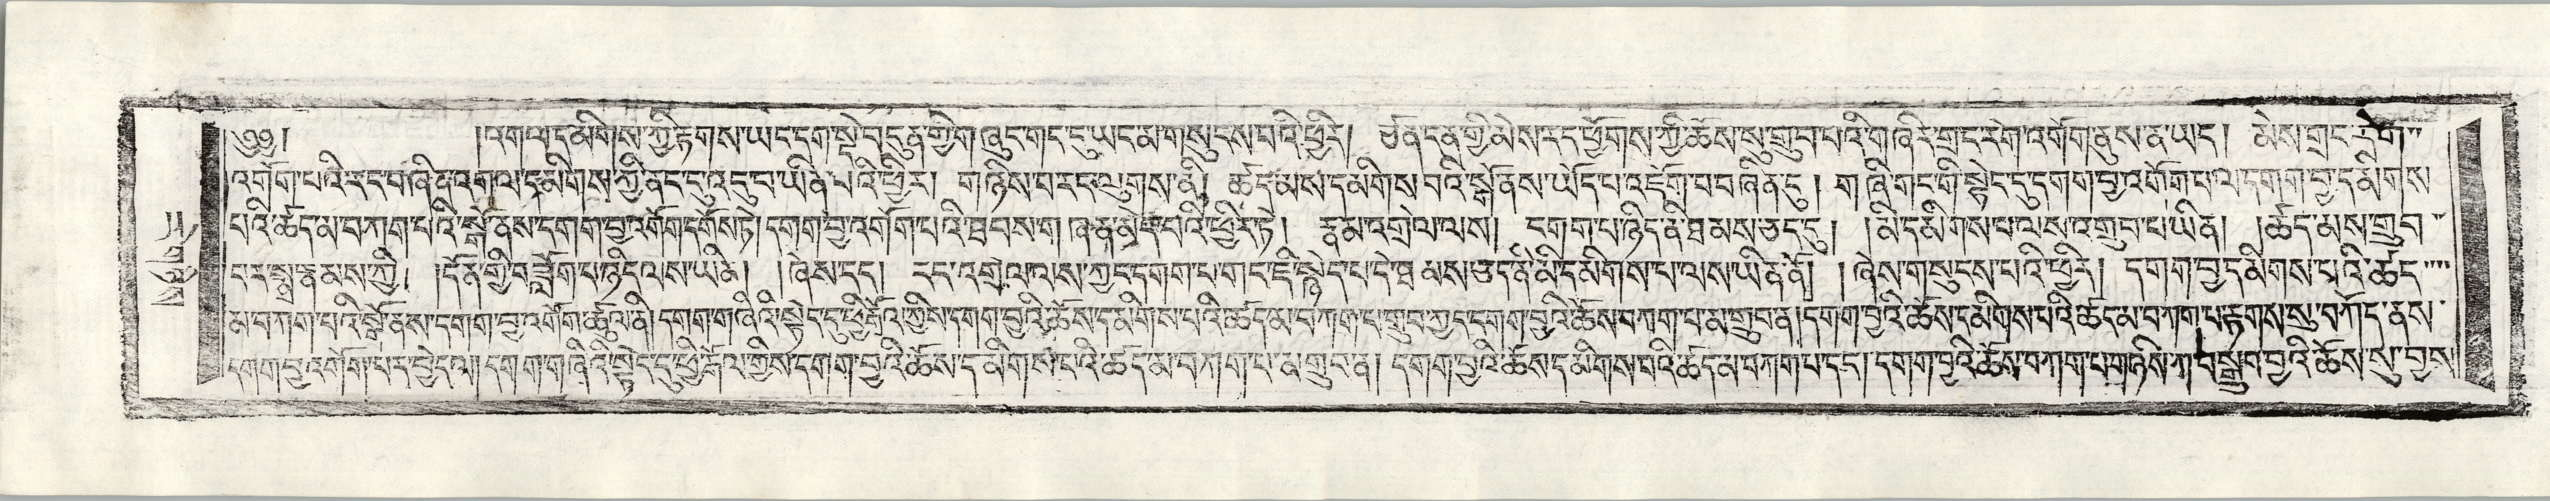༄༅། །འགལ་དམིགས་ཀྱི་རྟགས་ཡང་དག་སྡེ་བདུན་གྱི་གཞུང་གང་དུ་ཡང་མ་གསུངས་པའི་ཕྱིར། ཙན་དན་གྱི་མེས་རང་ཕྱོགས་ཀྱི་ཆོས་སུ་གྲུབ་པའི་གཞིར་གྲང་རེག་འགོག་ནུས་ན་ཡང་། མེས་གྲང་རེག་
འགོག་པའི་རང་བཞིན་འགལ་དམིགས་ཀྱི་ནང་དུ་འདུ་བ་ཡིན་པའི་ཕྱིར། གཉིས་པ་རང་ལུགས་ནི། ཚད་མས་དམིགས་པའི་སྒོ་ནས་ཡོད་པ་འཇོག་པ་བཞིན་དུ། གཞི་གང་གི་སྟེང་དུ་དགག་བྱ་འགོག་པ་ལ་དགག་བྱ་དམིགས་
པའི་ཚད་མ་བཀག་པའི་སྒོ་ནས་དགག་བྱ་འགོག་དགོས་ཏེ། དགག་བྱ་འགོག་པའི་ཐབས་གཞན་མེད་པའི་ཕྱིར་ཏེ། རྣམ་འགྲེལ་ལས། དགག་པ་ཉིད་ནི་ཐམས་ཅད་དུ། །མི་དམིགས་པ་ལས་འགྲུབ་པ་ཡིན། །ཚད་མས་གྲུབ་
པར་སྨྲ་རྣམས་ཀྱི། །དོན་གྱི་བཟློག་པ་ཉིད་ལས་ཡིན། །ཞེས་དང་། རང་འགྲེལ་ལས་ཀྱང་། དགག་པ་གང་ཇི་སྙེད་པ་དེ་ཐམས་ཅད་ནི་མི་དམིགས་པ་ལས་ཡིན་ནོ། །ཞེས་གསུངས་པའི་ཕྱིར། དགག་བྱ་དམིགས་པའི་ཚད་
མ་བཀག་པའི་སྒོ་ནས་དགག་བྱ་འགོག་ཚུལ་ནི། དགག་གཞིའི་སྟེང་དུ་ཕྱི་རྒོལ་ཀྱིས་དགག་བྱའི་ཆོས་དམིགས་པའི་ཚད་མ་བཀག་པ་གྲུབ་ཀྱང་དགག་བྱའི་ཆོས་བཀག་པ་མ་གྲུབ་ན། དགག་བྱའི་ཆོས་དམིགས་པའི་ཚད་མ་བཀག་པ་རྟགས་སུ་བཀོད་ནས་
དགག་བྱ་འགོག་པར་བྱེད་ལ། དགག་གཞིའི་སྟེང་དུ་ཕྱི་རྒོལ་གྱིས་དགག་བྱའི་ཆོས་དམིགས་པའི་ཚད་མ་བཀག་པ་མ་གྲུབ་ན། དགག་བྱའི་ཆོས་དམིགས་པའི་ཚད་མ་བཀག་པ་དང་། དགག་བྱའི་ཆོས་བཀག་པ་གཉིས་ཀ་བསྒྲུབ་བྱའི་ཆོས་སུ་བྱས་